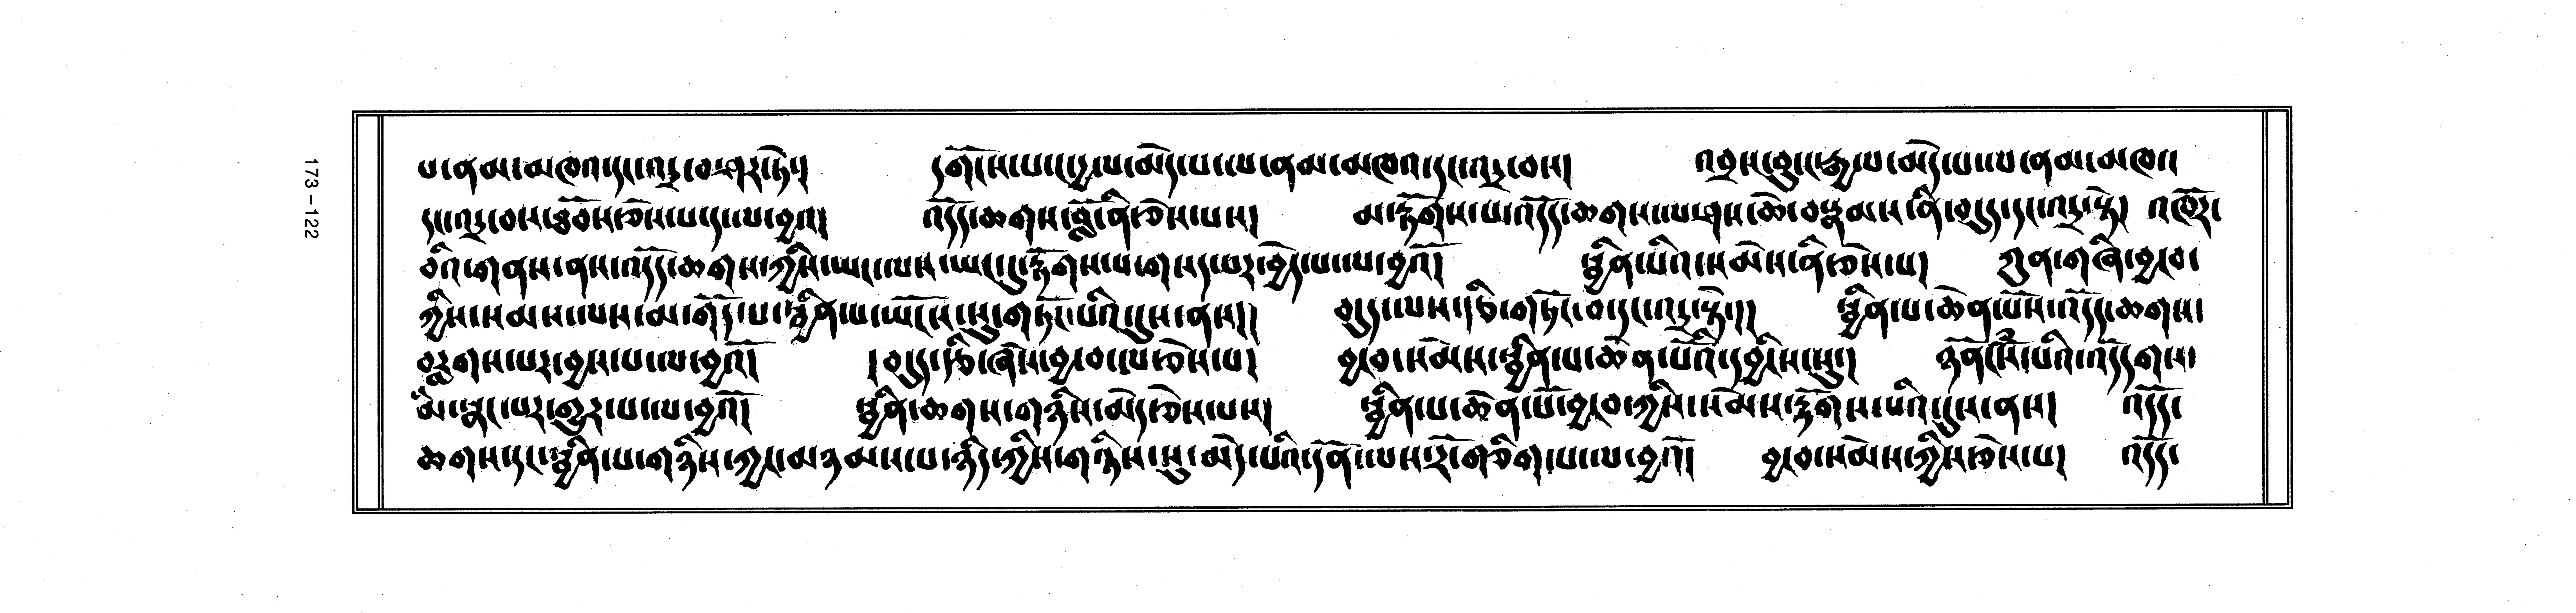པ་ནམ་མཁའ་དང་འདྲ་བ་ཤར་ཏེ། དགོངས་པ་ང་རྒྱལ་མེད་པ་ནམ་མཁའ་དང་འདྲ་བས། འབྲས་བུ་ང་རྒྱལ་མེད་པ་ནམ་མཁའ་
དང་འདྲ་བས་ཐོབ་ཅེས་པ་དེ་ལ་བྱའོ། །འདོད་ཆགས་བློ་ནི་ཅེས་པས། མ་རྟོགས་པ་འདོད་ཆགས་ལ་ཤས་ཆེ་བ་རྣམས་ནི་བདུད་དང་འདྲ་སྟེ། འཁོར་
བའི་གནས་ནས་འདོད་ཆགས་ཀྱི་ཡང་ནས་ཡང་དུ་རྟོག་པ་གསད་པར་བྱེད་པ་ལའོ། །སྦྱིན་པའི་སེམས་ནི་ཅེས་པ། ཀུན་གཞི་བྱང་ཆུབ་
ཀྱི་སེམས་ལས། མ་གོད་པ་སྦྱིན་པ་ཡོངས་སུ་གཏོང་བའི་དུས་ན། བདུད་ལས་རྩི་གཏོང་བ་དང་འདྲ་སྟེ། སྦྱིན་པ་ཆེན་པོས་འདོད་ཆགས་
བརླག་པར་བྱེད་པ་ལ་བྱའོ། བདུད་རྩི་ཞེས་བྱ་བ་ལ་ཅེས་པ། བྱང་ཆུབ་སེམས་སྦྱིན་པ་ཆེན་པོའི་དབྱིངས་སུ་ཉོན་མོངས་པའི་འདོད་ཆགས་
མི་སྣང་བར་གྱུར་པ་ལ་བྱའོ། །སྦྱིན་ཆགས་གཉིས་མེད་ཅེས་པར། སྦྱིན་པ་ཆེན་པོ་བྱང་ཆུབ་ཀྱི་སེམས་རྟོགས་པའི་དུས་ནས། འདོད་
ཆགས་དང་སྦྱིན་པ་གཉིས་ཀྱང་མཉམ་པ་ཉིད་ཀྱིས་གཉིས་སུ་མེད་པའི་དོན་ལ་རོ་གཅིག་པ་ལ་བྱའོ། །བྱང་ཆུབ་སེམས་ཀྱིས་ཅེས་པ། འདོད་